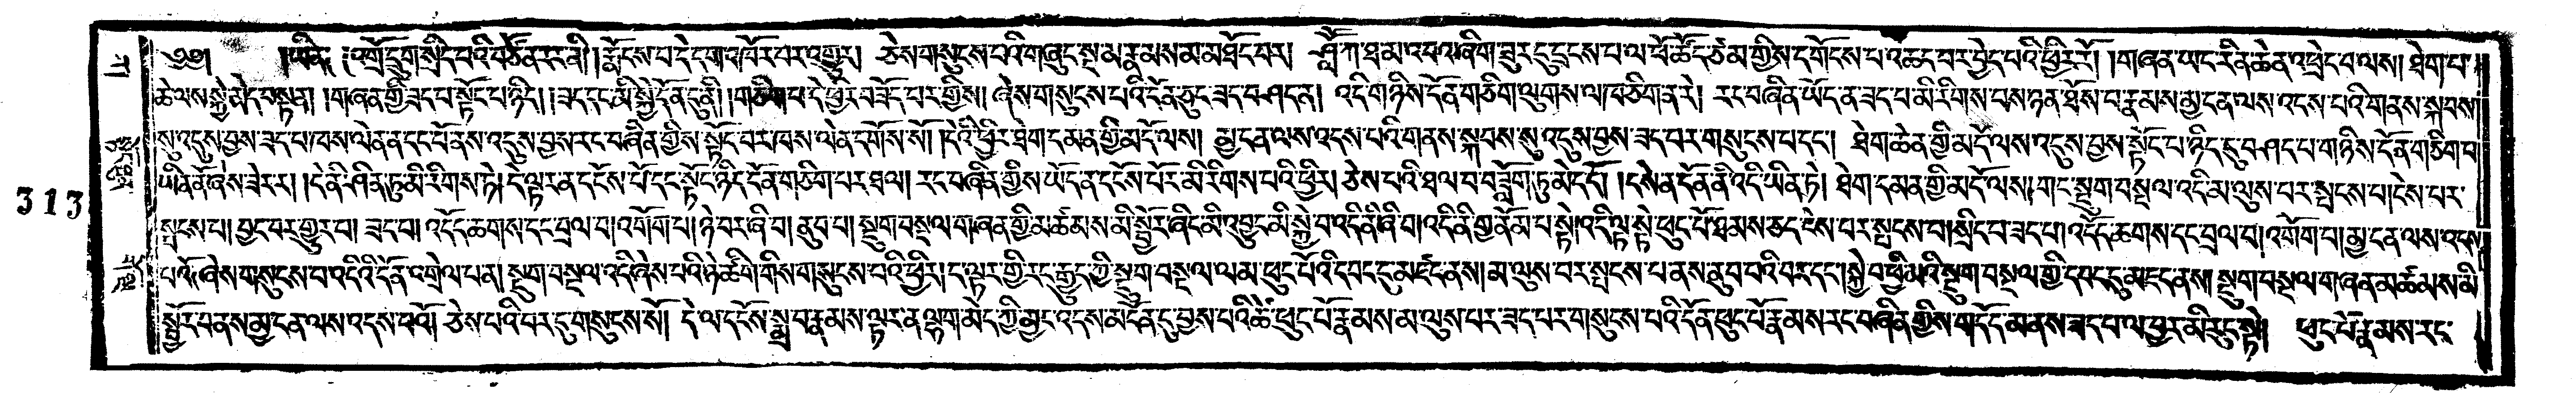༄༅། །ཡིན། །འགྲོ་དྲུག་སྲིད་པའི་བཙོན་རང་ནི། །རྨོངས་པ་དེ་དག་འཁོར་བར་འགྱུར། ཅེས་གསུངས་པའི་གཞུང་སྔ་མ་རྣམས་མ་མཐོང་བར། ཤླཽ་ཀ་ཐ་མ་འབའ་ཞིག་ཟུར་དུ་དྲངས་པ་ལ་ཕོ་ཚོད་ཙམ་གྱིས་དགོངས་པ་འཆད་བར་བྱེད་པའི་ཕྱིར་རོ། །གཞན་ཡང་རིན་ཆེན་འཕྲེང་བ་ལས། ཐེག་པ་
ཆེ་ལས་སྐྱེ་མེད་བསྟན། །གཞན་གྱི་ཟད་པ་སྟོང་པ་ཉིད། །ཟད་དང་མི་སྐྱེ་དོན་དུ་ནི། །གཅིག་པ་དེ་ཕྱིར་བཟོད་པར་གྱིས། ཞེས་གསུངས་པའི་དོན་ཅུང་ཟད་བཤད་ན། འདི་གཉིས་དོན་གཅིག་ལུགས་ལ་ཁ་ཅིག་ན་རེ། རང་བཞིན་ཡོད་ན་ཟད་པ་མི་རིགས་པས་ཉན་ཐོས་བ་རྣམས་མྱ་ངན་ལས་འདས་པའི་གནས་སྐབས་
སུ་འདུས་བྱས་ཟད་པ་ཁས་ལེན་ན་དང་པོ་ནས་འདུས་བྱས་རང་བཞིན་གྱིས་སྟོང་བར་ཁས་ལེན་དགོས་སོ། །དེའི་ཕྱིར་ཐེག་དམན་གྱི་མདོ་ལས། མྱ་ངན་ལས་འདས་པའི་གནས་སྐབས་སུ་འདུས་བྱས་ཟད་པར་གསུངས་པ་དང་། ཐེག་ཆེན་གྱི་མདོ་ལས་འདུས་བྱས་སྟོང་པ་ཉིད་དུ་བཤད་པ་གཉིས་དོན་གཅིག་པ་
ཡིན་ནོ་ཞེས་ཟེར་ར། །དེ་ནི་ཤིན་ཏུ་མི་རིགས་ཏེ། དེ་ལྟར་ན་དངོས་པོ་དང་སྟོང་ཉིད་དོན་གཅིག་པར་ཐལ། རང་བཞིན་གྱིས་ཡོད་ན་དངོས་པོར་མི་རིགས་པའི་ཕྱིར། ཅེས་པའི་ཐལ་བ་བཟློག་ཏུ་མེད་དོ། །དེས་ན་དོན་ནི་འདི་ཡིན་ཏེ། ཐེག་དམན་གྱི་མདོ་ལས། གང་སྡུག་བསྔལ་འདི་མ་ལུས་པར་སྤངས་པ། ངེས་པར་
སྤངས་པ། བྱང་བར་གྱུར་པ། ཟད་པ། འདོད་ཆགས་དང་བྲལ་བ། འགོག་པ། ཉེ་བར་ཞི་བ། ནུབ་པ། སྡུག་བསྔལ་གཞན་གྱི་མཚམས་མི་སྦྱོར་ཞིང་མི་འབྱུང་མི་སྐྱེ་བ་འདི་ནི་ཞི་བ། འདི་ནི་གྱ་ནོམ་པ་སྟེ། འདི་ལྟ་སྟེ་ཕུང་པོ་ཐམས་ཅད་ངེས་པར་སྤངས་བ། སྲིད་པ་ཟད་པ། འདོད་ཆགས་དང་བྲལ་བ། འགོག་པ། མྱ་ངན་ལས་འདས་
པའོ༑ ཞེས་གསུངས་པ་འདིའི་དོན་འགྲེལ་པ་ན། སྡུག་བསྔལ་འདི་ཞེས་པའི་ཉེ་ཚིག་གིས་གསུངས་པའི་ཕྱིར། ད་ལྟར་གྱི་རང་རྒྱུད་ཀྱི་སྡུག་བསྔལ་ལམ་ཕུང་པོའི་དབང་དུ་མཛད་ནས། མ་ལུས་པར་སྤངས་པ་ནས་ནུབ་པའི་བར་དང་། སྐྱེ་བ་ཕྱི་མའི་སྡུག་བསྔལ་གྱི་དབང་དུ་མཛད་ནས། སྡུག་བསྔལ་གཞན་མཚམས་མི་
སྦྱོར་བ་ནས་མྱ་ངན་ལས་འདས་པའོ། ཅེས་པའི་བར་དུ་གསུངས་སོ། དེ་ལ་དངོས་སྨྲ་བ་རྣམས་ལྟར་ན་ལྷག་མེད་ཀྱི་མྱང་འདས་མངོན་དུ་བྱས་པའི་ཚེ་ཕུང་པོ་རྣམས་མ་ལུས་པར་ཟད་པར་གསུངས་པའི་དོན་ཕུང་པོ་རྣམས་རང་བཞིན་གྱིས་གདོད་མ་ནས་ཟད་པ་ལ་བྱར་མི་རུང་སྟེ། ཕུང་པོ་རྣམས་རང་